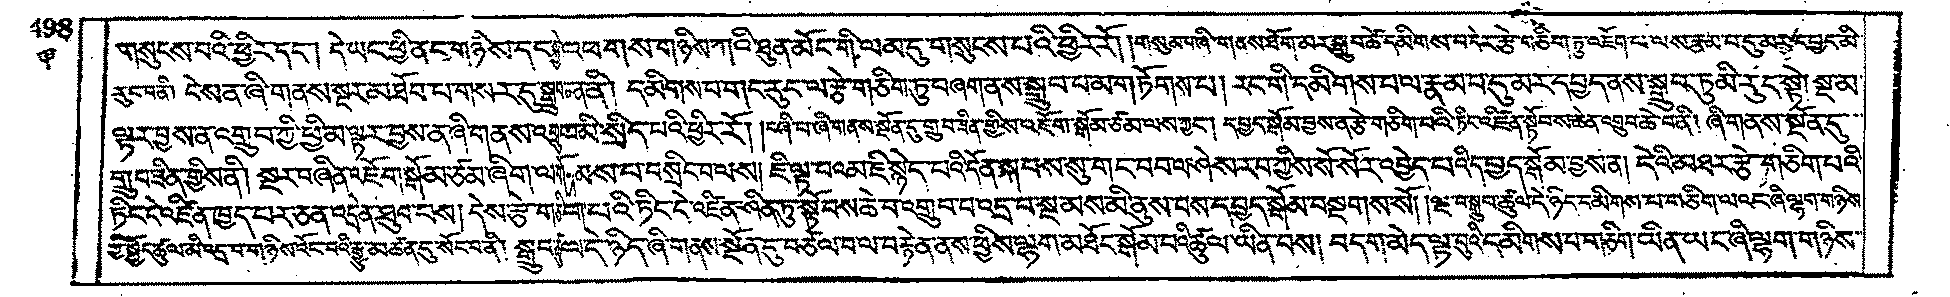གསུངས་པའི་ཕྱིར་དང་། དེ་ཡང་ཕྱི་ནང་གཉིས་དང་སྐྱེ་འཕགས་གཉིས་ཀའི་ཐུན་མོང་གི་ལམ་དུ་གསུངས་པའི་ཕྱིར་རོ། །གསུམ་པ་ཞི་གནས་ཐོག་མར་སྒྲུབ་ཚེ་དམིགས་པ་དེར་རྩེ་གཅིག་ཏུ་འཇོག་པ་ལས་རྣམ་པ་དུ་མར་དཔྱད་མི་
རུང་བ་ནི། དེས་ན་ཞི་གནས་སྔར་མ་ཐོབ་པ་གསར་དུ་སྒྲུབ་ན་ནི། དམིགས་པ་གང་རུང་ལ་རྩེ་གཅིག་ཏུ་བཞག་ནས་སྒྲུབ་པ་མ་གཏོགས་པ། རང་གི་དམིགས་པ་ལ་རྣམ་པ་དུ་མར་དཔྱད་ནས་སྒྲུབ་ཏུ་མི་རུང་སྟེ། སྔ་མ་
ལྟར་བྱས་ན་གྲུབ་ཀྱི་ཕྱི་མ་ལྟར་བྱས་ན་ཞི་གནས་འགྲུབ་མི་སྲིད་པའི་ཕྱིར་རོ། །བཞི་པ་ཞིག་ནས་སྔོན་དུ་གྲུབ་ཟིན་གྱིས་འཇོག་སྒོམ་ཙམ་ལས་ཀྱང་། དཔྱད་སྒོམ་བྱས་ན་རྩེ་གཅིག་པའི་ཏིང་འཛིན་སྟོབས་ཆེན་འགྲུབ་ཆེ་བ་ནི།  ཞི་གནས་སྔོན་དུ་
གྲུབ་ཟིན་གྱིས་ནི། སྔར་བཞིན་འཇོག་སྒོམ་ཙམ་ཞིག་ལ་གོམས་པ་བསྲིང་བ་ལས། ཇི་ལྟ་བའམ་ཇི་སྙེད་པའི་དོན་སྐབས་སུ་གང་བབ་ལ་ཤེས་རབ་ཀྱིས་སོ་སོར་འབྱེད་པའི་དཔྱད་སྒོམ་བྱས་ན། དེའི་མཐར་རྩེ་གཅིག་པའི་
ཏིང་ངེ་འཛིན་ཁྱད་པར་ཅན་འདྲེན་ཐུབ་པས། དེས་རྩེ་གཅིག་པའི་ཏིང་ངེ་འཛིན་ཤིན་ཏུ་སྟོབས་ཆེ་བ་འགྲུབ་པ་འདྲ་བ་སྔ་མས་མི་ནུས་པས་དཔྱད་སྒོམ་བསྔགས་སོ། །ལྔ་པ་སྒྲུབ་ཚུལ་དེ་ཉིད་དམིགས་པ་གཅིག་ལའང་ཞི་ལྷག་གཉིས་
ཀྱི་སྐྱོང་ཚུལ་མི་འདྲ་བ་གཉིས་འོང་བའི་རྒྱུ་མཚན་དུ་སོང་བ་ནི། སྒྲུབ་ཚུལ་དེ་ཉིད་ཞིག་གནས་སྔོན་དུ་བཙལ་བ་ལ་བརྟེན་ནས་ཕྱིས་ལྷག་མཐོང་སྒོམ་པའི་ཚུལ་ཡིན་པས། བདག་མེད་ལྟ་བུའི་དམིགས་པ་གཅིག་ཡིན་ཡང་ཞི་ལྷག་གཉིས་